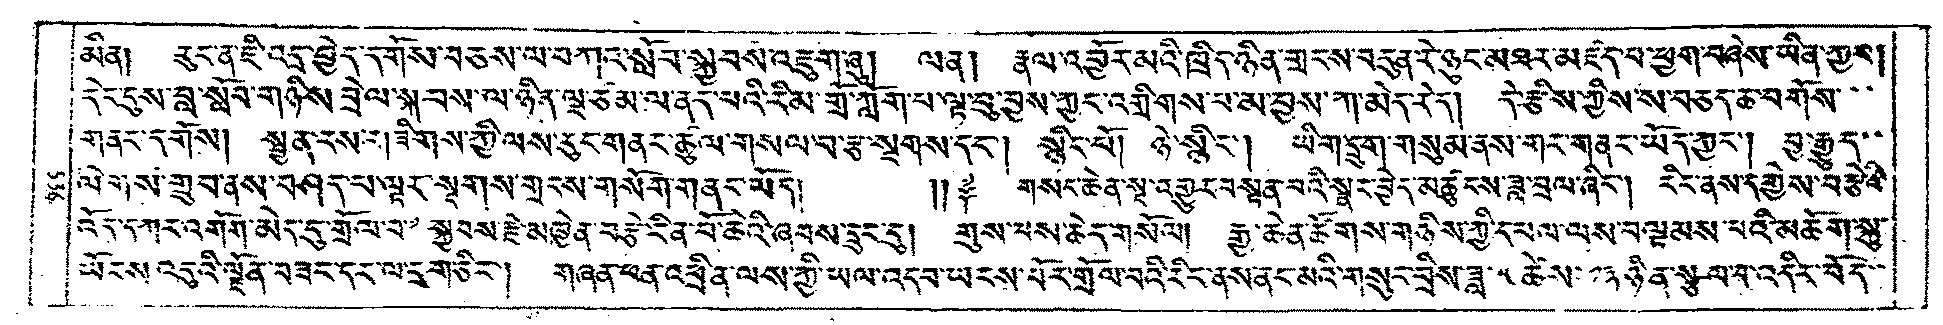མིན། རུང་ན་ཇི་འདྲ་བྱེད་དགོས་བཅས་ལ་བཀའ་སློབ་སྐྱབས་འཇུག་ཞུ། ལན། རྣལ་འབྱོར་མའི་ཁྲིད་ཉིན་གྲངས་བདུན་རེ་ཉུང་མཐར་མཛད་པ་ཕྱག་བཞེས་ཡིན་ཀྱང་།
དེང་དུས་བླ་སློབ་གཉིས་བྲེལ་སྐབས་ལ་ཉིན་ལྔ་ཙམ་ལ་ནད་པའི་རིམ་གྲོ་ཀློག་པ་ལྟ་བུ་བྱས་ཀྱང་འགྲིགས་པ་མ་བྱས་ཀ་མེད་རེད། དེ་རྩིས་ཀྱིས་ས་བཅད་ཆ་བགོས་
གནང་དགོས། སྤྱན་རས་གཟིགས་ཀྱི་ལས་རུང་གནང་ཚུལ་གསལ་བ་རྩ་སྔགས་དང་། སྙིང་པོ། ཉེ་སྙིང་། ཡིག་དྲུག་གསུམ་ནས་གང་གནང་ཡོད་ཀྱང་། བྱ་རྒྱུད་
ལེགས་གྲུབ་ནས་བཤད་པ་ལྟར་སྔགས་གྲངས་གསོག་གནང་ཡོད། །། ༈ གསང་ཆེན་སྔ་འགྱུར་བསྟན་པའི་སྣང་བྱེད་མཚུངས་ཟླ་བྲལ་ཞིང་། རིང་ནས་དགྱེས་བརྩེའི་
འོད་དཀར་འགོག་མེད་དུ་གྲོལ་བ་༧སྐྱབས་རྗེ་མཁྱེན་བརྩེ་རིན་པོ་ཆེའི་ཞབས་དྲུང་དུ། གུས་པས་ཆེད་གསོལ། རྒྱ་ཆེན་ཚོགས་གཉིས་ཀྱི་དཔལ་ལས་བལྟམས་པའི་མཆོག་སྐུ་
ཡོངས་འདུའི་ལྗོན་བཟང་དར་ལ་དྲག་ཅིང་། གཞན་ཕན་འཕྲིན་ལས་ཀྱི་ཡལ་འདབ་ཡངས་པོར་གྲོལ་བའི་རིང་ནས་ནང་མའི་གསུང་བྲིས་ཟླ ༥་ཚེས ༡༣་ཉིན་སྩལ་བ་འདིར་བོད་